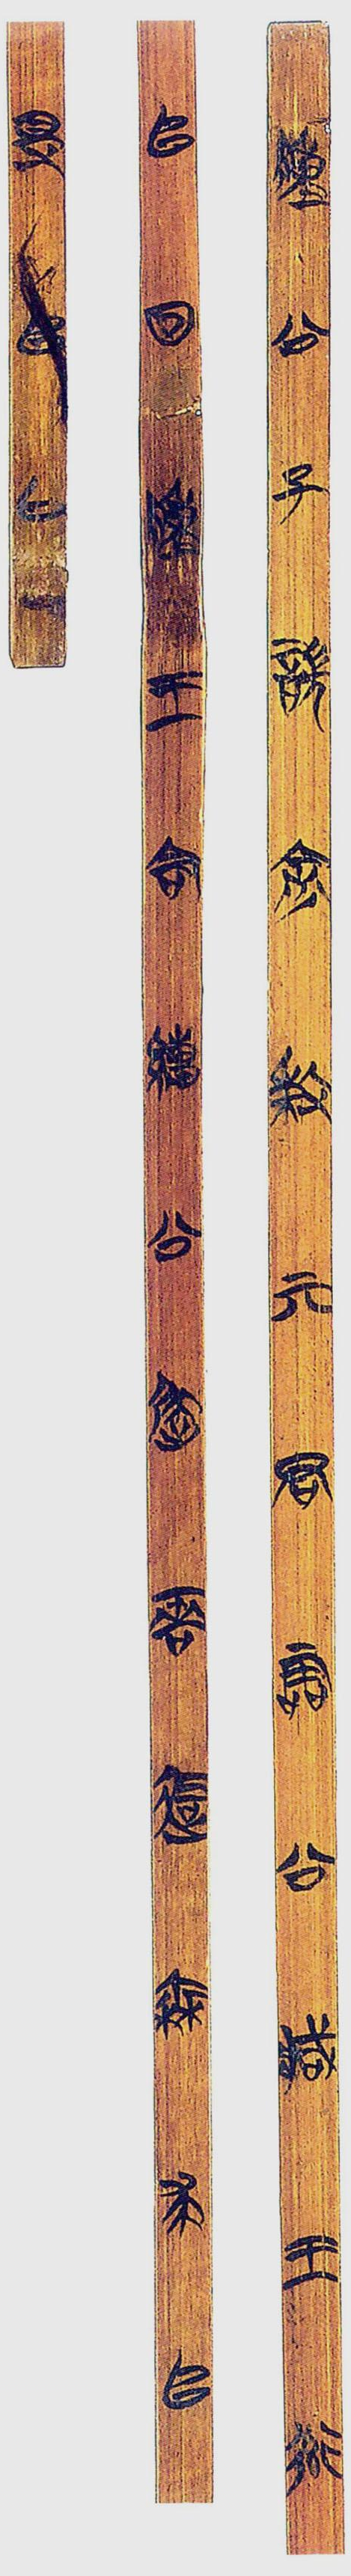陳公子{言山一王}余殺亓君霝公戕王率𠂤回陳王命{糸東田}公屈{巫口}{辶石}秦求𠂤𠭁𠂤㠯（以）
